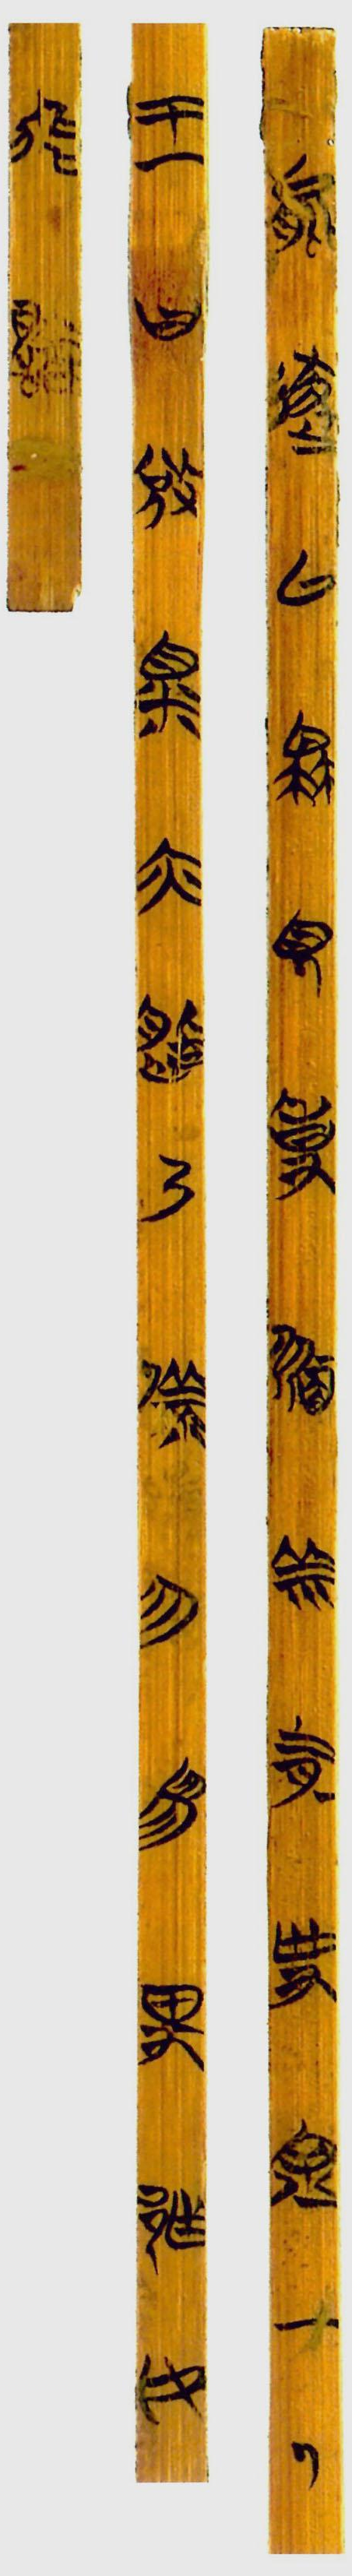能逐㠯（以）𠍳見事弼羕{月延}拃（作）余一人王曰敓（說）眔亦{脂臼}乃備勿易卑{戉阝}女飛{雀鳥}
